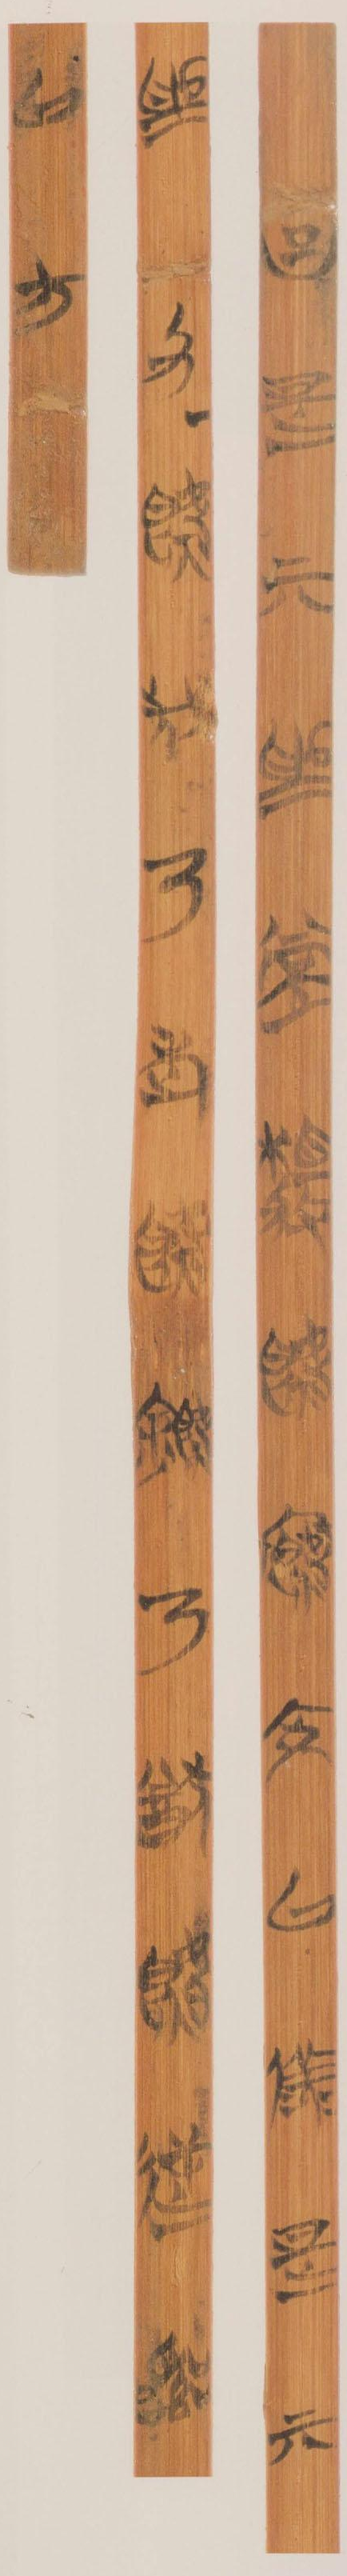昌是亓爲當{相力攴}{既火}{夂既火}交㠯（以）備是亓爲力{既火}戚乃老{既火}{余既火}乃猶{既火}逆{𤔔㗊}㠯（以）方
